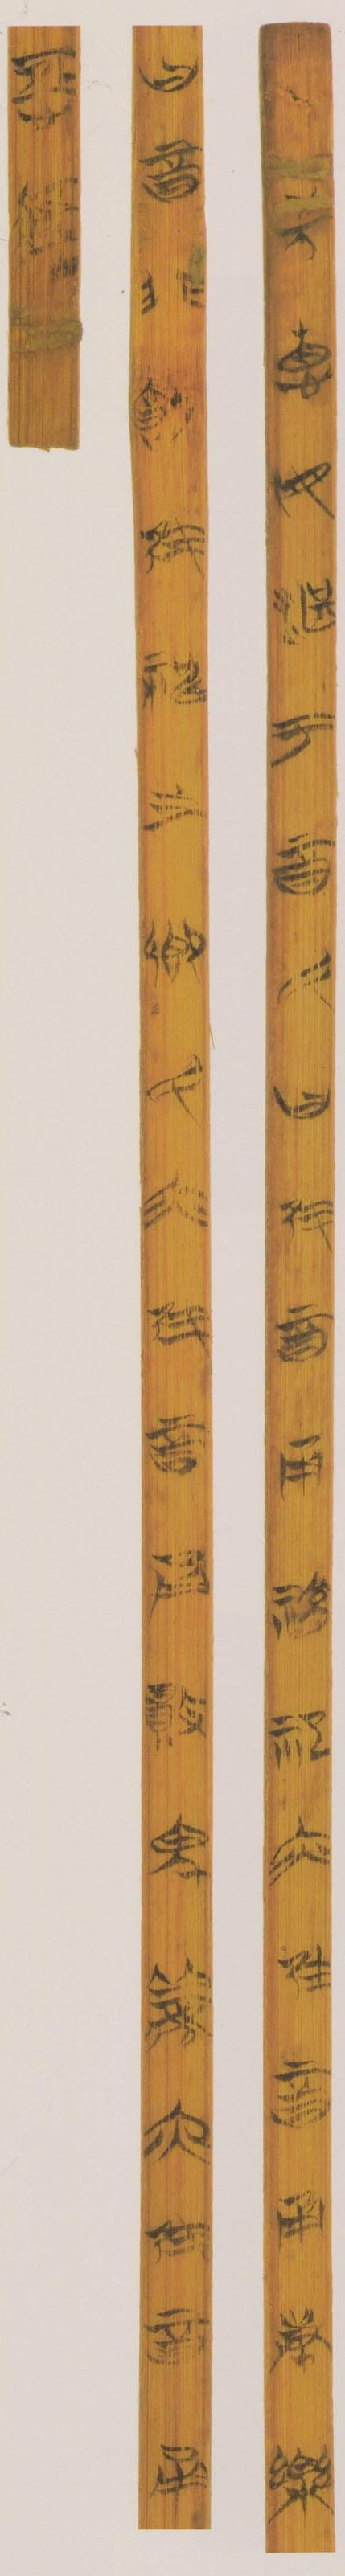茍惪母湛于酉民曰隹酉甬{示兔}祀亦隹酉甬庚樂曰酉非飤隹神之卿民亦隹酉甬{貝貝攴}畏義亦隹酉甬{亙心}{疒㞷}
